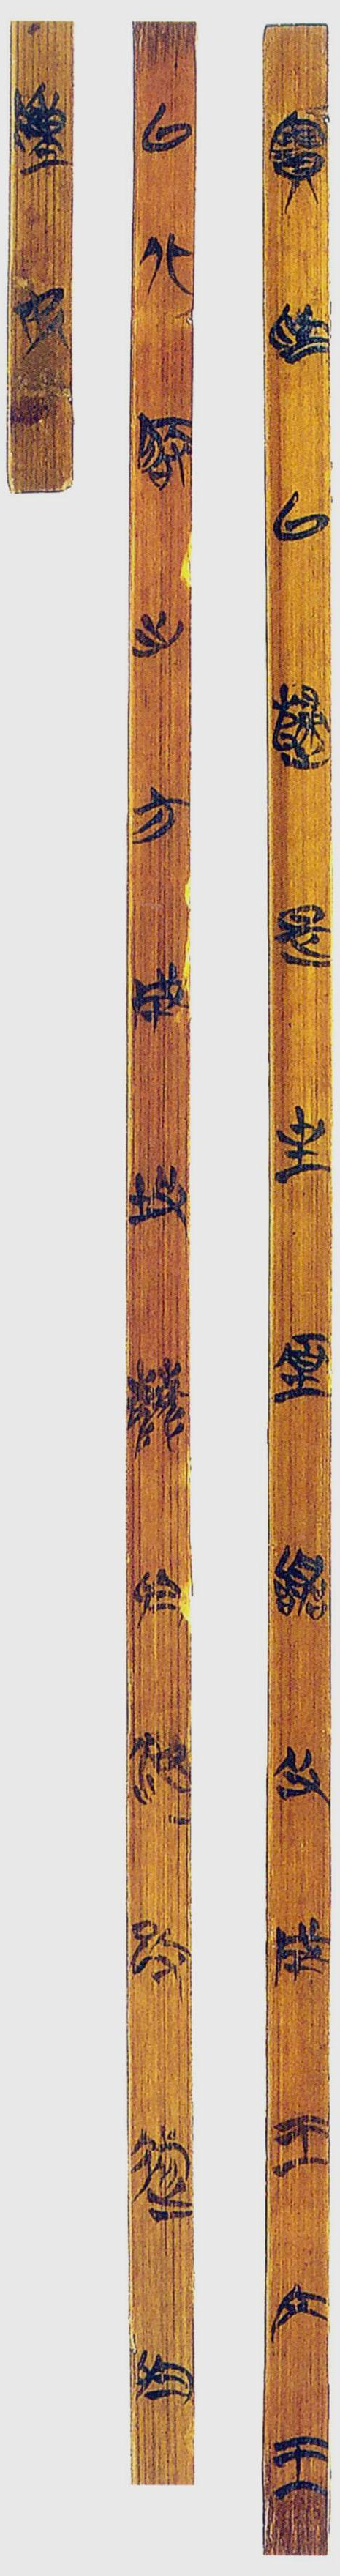賽爲㠯（以）歸是生{卜？土}囂及成王文王㠯（以）北啟出方成圾{艸㣇㣇}於汝改{辶旅}於陳𡚦
